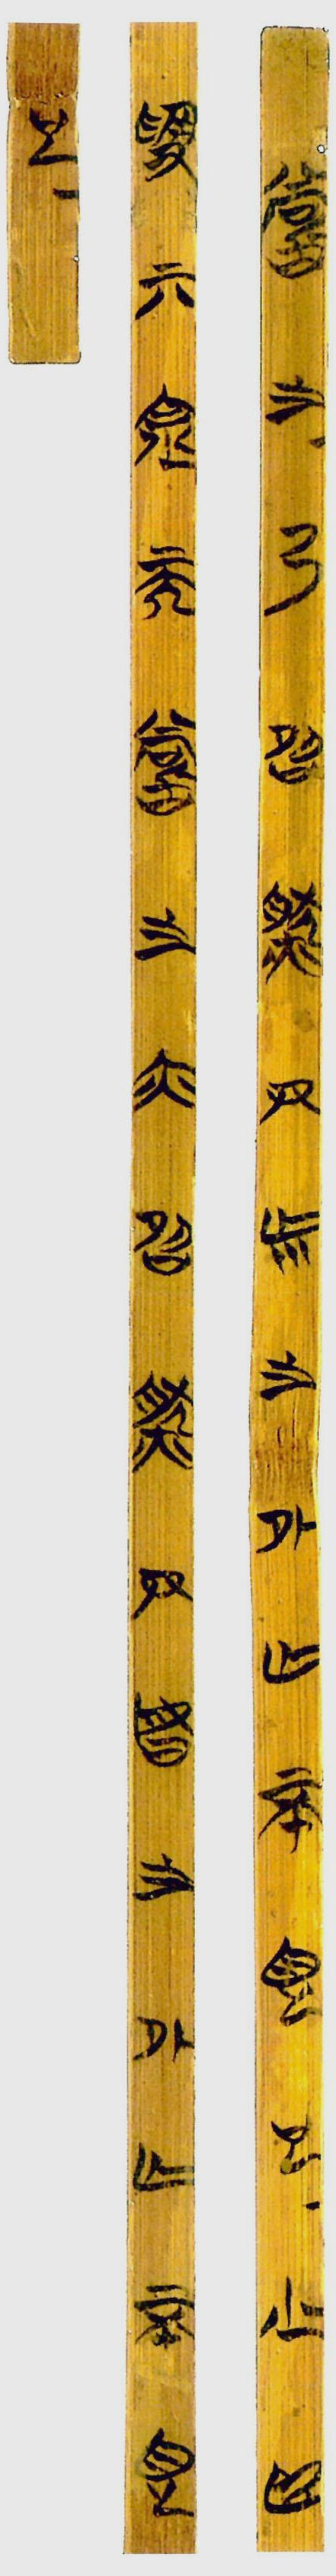嘗之乃卲然四巟之外亡不見也少臣受亓余而嘗之亦卲然四{母日}（海）之外亡不見也
